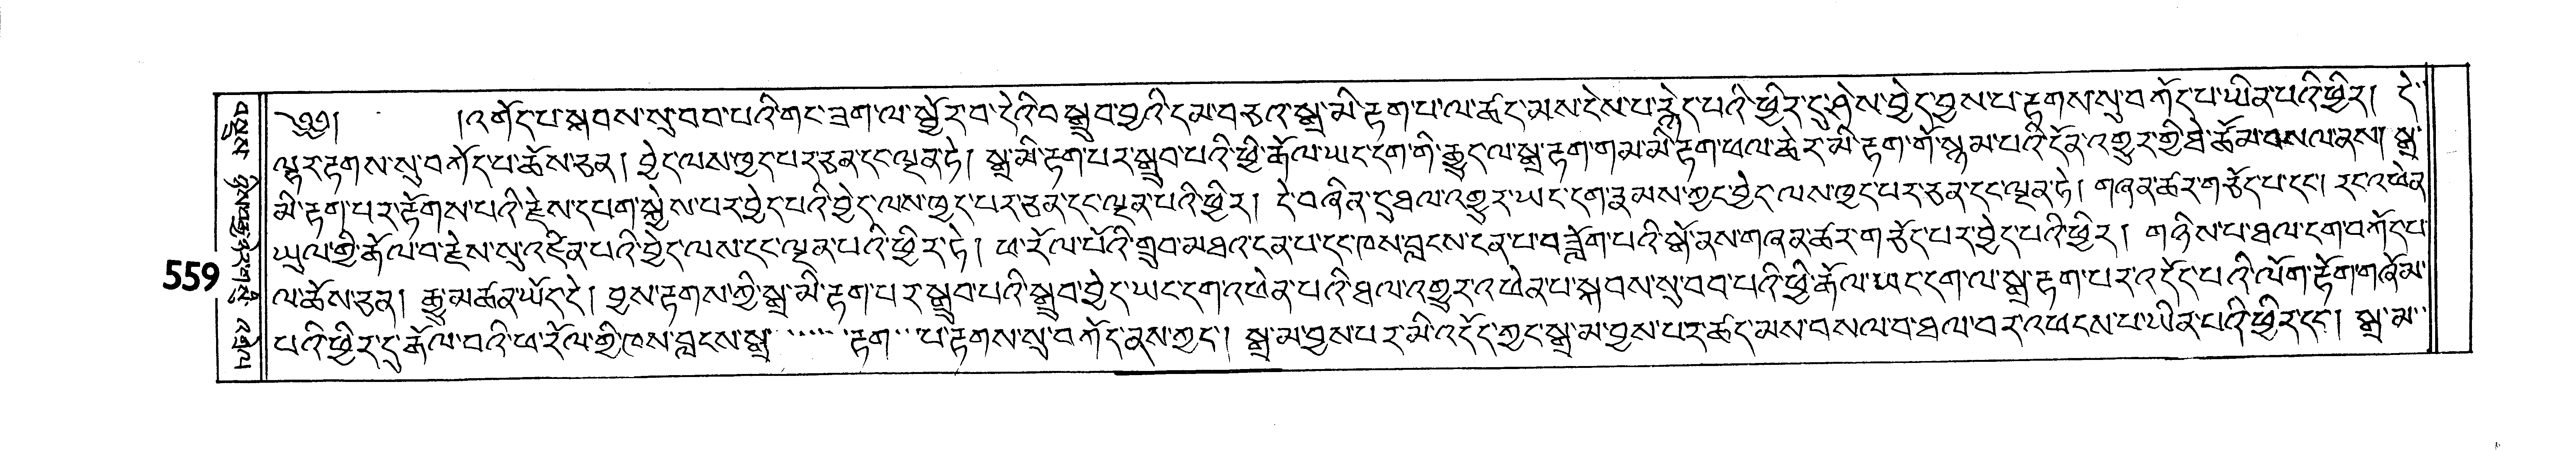༄༅། །འགོད་པ་སྐབས་སུ་བབ་པའི་གང་ཟག་ལ་སྦྱོར་བ་དེའི་བསྒྲུབ་བྱའི་དམ་བཅའ་སྒྲ་མི་རྟག་པ་ལ་ཚད་མས་ངེས་པ་རྙེད་པའི་ཕྱིར་དུ་ཤེས་བྱེད་བྱས་པ་རྟགས་སུ་བཀོད་པ་ཡིན་པའི་ཕྱིར། དེ་
ལྟར་རྟགས་སུ་བཀོད་པ་ཆོས་ཅན། བྱེད་ལས་ཁྱད་པར་ཅན་དང་ལྡན་ཏེ། སྒྲ་མི་རྟག་པར་སྒྲུབ་པའི་ཕྱི་རྒོལ་ཡང་དག་གི་རྒྱུད་ལ་སྒྲ་རྟག་གམ་མི་རྟག་ཕལ་ཆེར་མི་རྟག་གོ་སྙམ་པའི་དོན་འགྱུར་གྱི་ཐེ་ཚོམ་བསལ་ནས། སྒྲ་
མི་རྟག་པར་རྟོགས་པའི་རྗེས་དཔག་སྐྱེས་པར་བྱེད་པའི་བྱེད་ལས་ཁྱད་པར་ཅན་དང་ལྡན་པའི་ཕྱིར། དེ་བཞིན་དུ་ཐལ་འགྱུར་ཡང་དག་རྣམས་ཀྱང་བྱེད་ལས་ཁྱད་པར་ཅན་དང་ལྡན་ཏེ། གཞན་ཚར་གཅོད་པ་དང་། རང་འཕེན་
ཡུལ་གྱི་རྒོལ་བ་རྗེས་སུ་འཛིན་པའི་བྱེད་ལས་དང་ལྡན་པའི་ཕྱིར་ཏེ། ཕ་རོལ་པོའི་གྲུབ་མཐའ་ངན་པ་དང་ཁས་བླངས་ངན་པ་བཟློག་པའི་སྒོ་ནས་གཞན་ཚར་གཅོད་པར་བྱེད་པའི་ཕྱིར། གཉིས་པ་ཐལ་ངག་བཀོད་པ་
ལ་ཆོས་ཅན། རྒྱུ་མཚན་ཡོད་དེ། བྱས་རྟགས་ཀྱི་སྒྲ་མི་རྟག་པར་སྒྲུབ་པའི་སྒྲུབ་བྱེད་ཡང་དག་འཕེན་པའི་ཐལ་འགྱུར་འཕེན་པ་སྐབས་སུ་བབ་པའི་ཕྱིར་གོལ་ཡང་དག་ལ་སྒྲ་རྟག་པར་འདོད་པའི་ལོག་རྟོག་གཞོམ་
པའི་ཕྱིར་དུ་རྒོལ་བའི་ཕ་རོལ་གྱི་ཁས་བླངས་སྒྲ་རྟག་པ་རྟགས་སུ་བཀོད་ནས་ཀྱང་། སྒྲ་མ་བྱས་པར་མི་འདོད་ཀྱང་སྒྲ་མ་བྱས་པར་ཚད་མས་བསལ་བ་ཐལ་བར་འཕངས་པ་ཡིན་པའི་ཕྱིར་དང་། སྒྲ་མ་